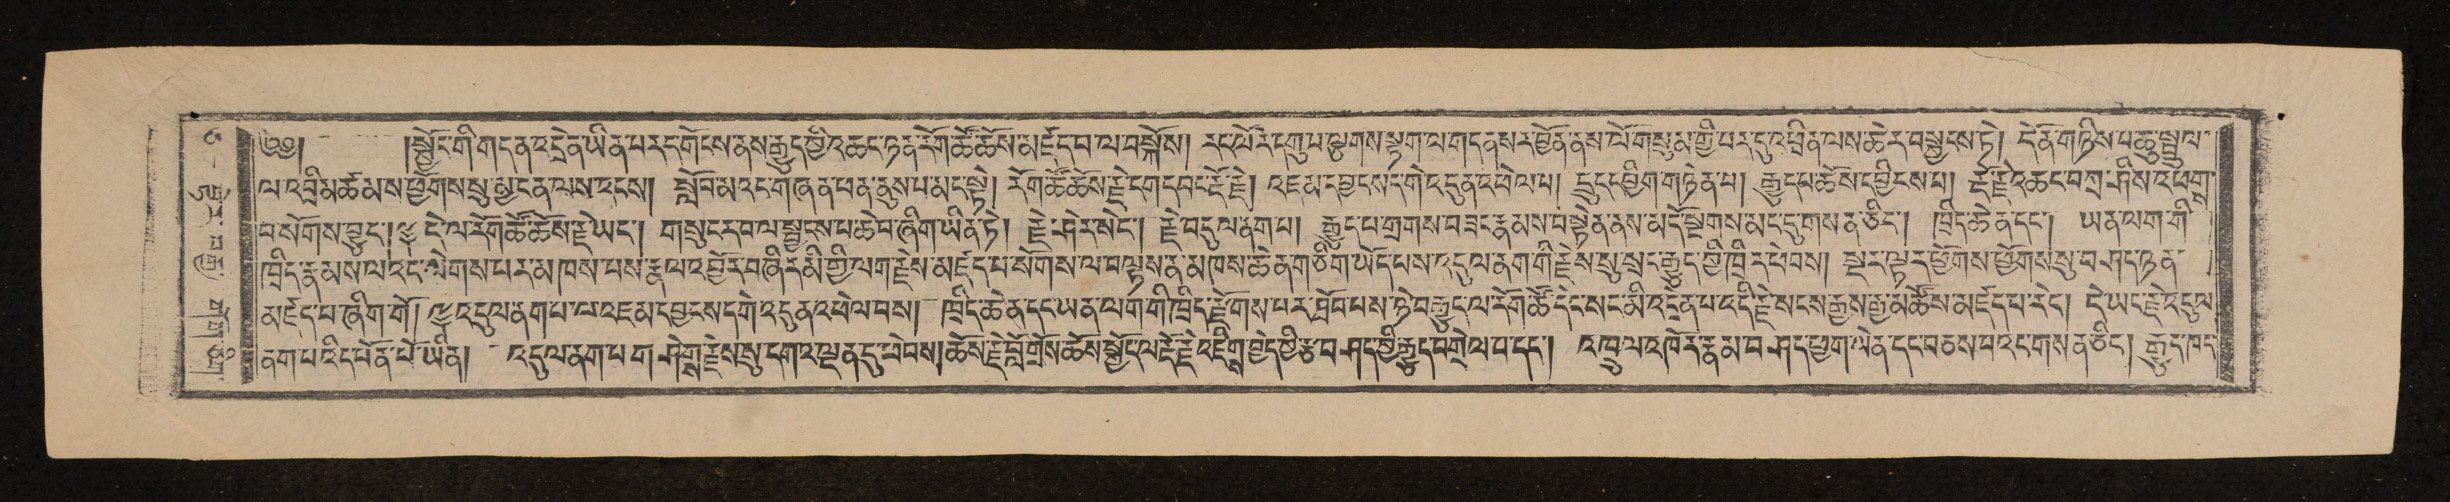༄༅། །སྐྱོང་གི་གདན་འདྲེན་ཡིན་པར་དགོངས་ནས་རྒྱུད་ཀྱི་འཆད་ཉན་རོག་ཚོ་ཆོས་མཛད་པ་ལ་བསྐོས། རང་ལོ་རེ་དགུ་པ་ལྕགས་སྟག་ལ་གདན་སར་བྱོན་ནས་ལོ་གསུམ་གྱི་བར་དུ་འཕྲིན་ལས་ཆེར་བསྐྱངས་ཏེ། དོན་གཉིས་པ་ཆུ་སྦྲུལ་
ལ་འབྲི་མཚམས་ཕྱོགས་སུ་མྱ་ངན་ལས་འདས། སློབ་མའང་གཞན་ཕན་ནུས་པ་མང་སྟེ། རོག་ཚོ་ཆོས་རྗེ་ངག་དབང་རྡོ་རྗེ། འཇམ་དབྱངས་དགེ་འདུན་འཕེལ་བ། དྲུང་དབྱིག་གཉེན་པ། རྒྱུད་པ་ཆོས་དབྱིངས་པ། རྡོ་རྗེ་འཆད་བཀྲ་ཤིས་འཕགས་
པ་སོགས་བྱུང་། ༈ དེ་ལ་རོག་ཚོ་ཆོས་རྗེ་ཡང་། གསུང་རབ་ལ་སྦྱངས་པ་ཆེ་བ་ཞིག་ཡིན་ཏེ། རྗེ་ཤེར་སེང་། རྗེ་འདུལ་ནག་པ། རྒྱུད་པ་གྲགས་བཟང་རྣམས་བསྟེན་ནས་མདོ་སྔགས་མང་དུ་གསན་ཅིང་། ཁྲིད་ཆེན་དང་། ཡན་ལག་གི་
ཁྲིད་རྣམས་ལའང་ལེགས་པར་མཁས་པས་རྣལ་འབྱོར་བཞི་རིམ་གྱི་ལག་རྗེས་མཛད་པ་སོགས་ལ་བལྟས་ན་མཁས་ཆེན་གཅིག་ཡོད་པས་འདུལ་ནག་གི་རྗེས་སུ་སྲད་རྒྱུད་ཀྱི་ཁྲིར་ཕེབས། སྔར་ལྟར་ཕྱོགས་ཕྱོགས་སུ་བཤད་ཉན་
མཛད་པ་ཞིག་གོ། ༈ འདུལ་ནག་པ་ལ་འཇམ་དབྱངས་དགེ་འདུན་འཕེལ་བས། ཁྲིད་ཆེན་དང་ཡན་ལག་གི་ཁྲིད་རྫོགས་པར་ཐོབ་པས་ཉེ་བརྒྱུད་ལ་རོག་ཚོ་དེང་སང་མི་འདྲེན་པ་འདི་རྗེ་སངས་རྒྱས་རྒྱ་མཚོས་མཛད་པ་རེད། དེ་ཡང་རྗེ་འདུལ་
ནག་པའི་དཔོན་པོ་ཡིན། འདུལ་ནག་པ་གཤེགས་རྗེས་སུ་དགའ་ལྡན་དུ་ཕེབས། ཆོས་རྗེ་བློ་གྲོས་ཆོས་སྐྱོང་ལ་རྡོ་རྗེ་འཇིགས་བྱེད་ཀྱི་རྩ་བཤད་ཀྱི་རྒྱུད་འགྲེལ་བ་དང་། འཁྲུལ་འཁོར་རྣམ་བཤད་ཕྱག་ལེན་དང་བཅས་པའང་གསན་ཅིང་། རྒྱུད་ཁང་